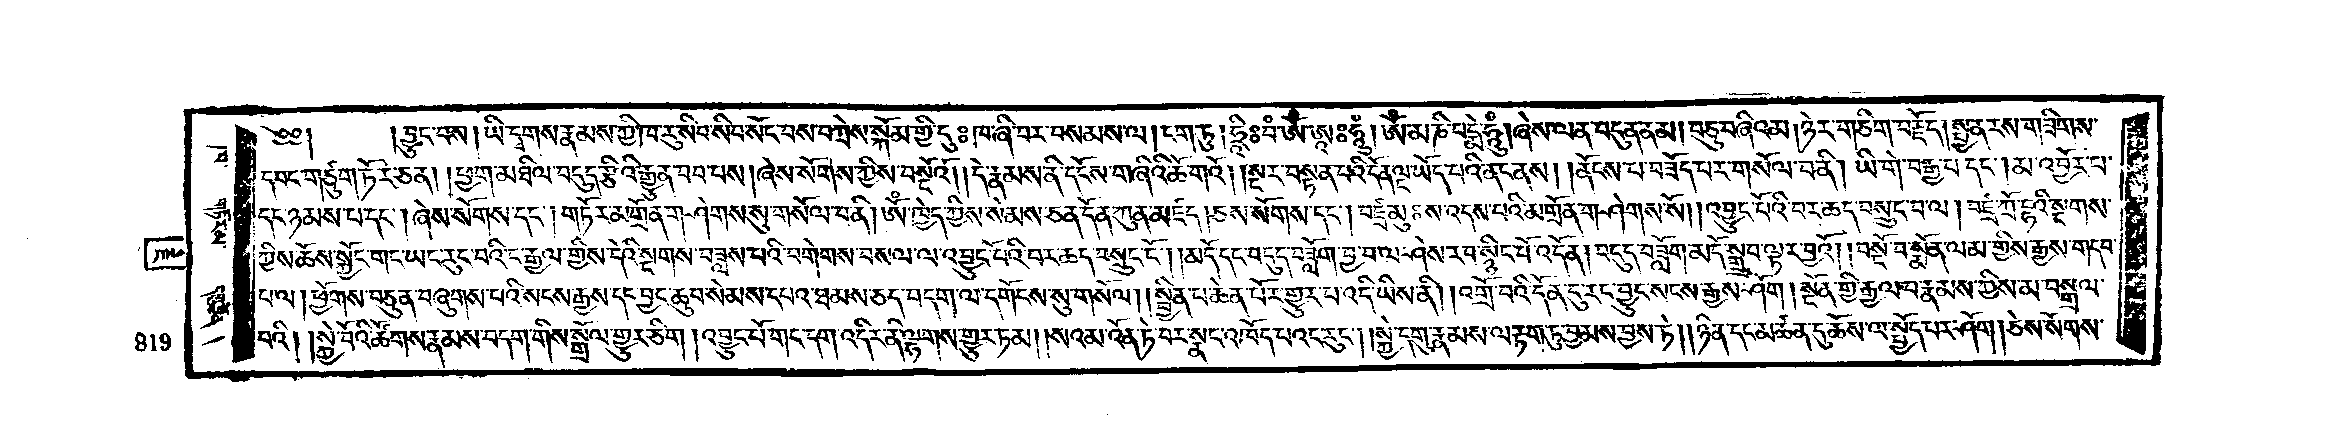༄༅། །བྱུང་བས། ཡི་དྭགས་རྣམས་ཀྱི་ཁ་རུ་སིབ་སིབ་སོང་བས་བཀྲེས་སྐོམ་གྱི་དུཿ ཁ་ཞི་བར་བསམས་ལ། ངག་ཏུ། ཧྲཱིཿ བཾ་ཨོཾ་ཨཱཿ ཧཱུཾ། ཨོཾ་མ་ཎི་པདམེ་ཧཱུཾ། ཞེས་ལན་བདུན་ནམ། བཅུ་བཞིའམ། ཉེར་གཅིག་བརྗོད། སྤྱན་རས་གཟིགས་
དབང་གཙུག་ཏོར་ཅན། །ཕྱག་མཐིལ་བདུད་རྩིའི་རྒྱུན་བབ་པས། ཞེས་སོགས་ཀྱིས་བསྔོའོ། །དེ་རྣམས་ནི་དངོས་གཞིའི་ཆོ་གའོ། །སྔར་བསྟན་པའི་དོན་ལྔ་ཡོད་པའི་ནང་ནས། །ནོངས་པ་བཟོད་པར་གསོལ་བ་ནི། ཡི་གེ་བརྒྱ་པ་དང་། མ་འབྱོར་པ་
དང་ཉམས་པ་དང་། ཞེས་སོགས་དང་། གཏོར་མགྲོན་གཤེགས་སུ་གསོལ་བ་ནི། ཨོཾ་ཁྱེད་ཀྱིས་སེམས་ཅན་དོན་ཀུན་མཛད། ཅེས་སོགས་དང་། བཛྲ་མུཿ ས་འདས་པའི་མགྲོན་གཤེགས་སོ། །འབྱུང་པོའི་བར་ཆད་བསྲུང་བ་ལ། བཛྲ་ཀྲོ་དྷའི་སྔགས་
ཀྱིས་ཆོས་སྐྱོང་གང་ཡང་རུང་བའི་ང་རྒྱལ་གྱིས་དེའི་སྔགས་བཟླས་པའི་བགེགས་བསལ་ལ་འབྱུང་པོའི་བར་ཆང་བསྲུང་ངོ། །མདོ་དང་བདུད་བཟློག་བྱ་བ་ལ་ཤེས་རབ་སྙིང་པོ་འདོན། བདུད་བཟློག་མདོ་སྒྲུབ་ལྟར་བྱའོ། །བསྔོ་བ་སྨོན་ལམ་གྱིས་རྒྱས་གདབ་
པ་ལ། ཕྱོགས་བཅུ་ན་བཞུགས་པའི་སངས་རྒྱས་དང་བྱང་ཆུབ་སེམས་དཔའ་ཐམས་ཅད་བདག་ལ་དགོངས་སུ་གསོལ། སྦྱིན་པ་ཆེན་པོར་གྱུར་པ་འདི་ཡིས་ནི། །འགྲོ་བའི་དོན་དུ་རང་བྱུང་སངས་རྒྱས་ཤོག །སྔོན་གྱི་རྒྱལ་བ་རྣམས་ཀྱིས་མ་བསྒྲལ་
བའི། །སྐྱེ་བོའི་ཚོགས་རྣམས་བདག་གིས་སྒྲོལ་གྱུར་ཅིག །འབྱུང་པོ་གང་དག་འདིར་ནི་ལྷགས་གྱུར་ཏམ། །སའམ་འོན་ཏེ་བར་སྣང་འཁོད་པའང་རུང་། །སྐྱེ་དགུ་རྣམས་ལ་རྟག་ཏུ་བྱམས་བྱས་ཏེ། །ཉིན་དང་མཚན་དུ་ཆོས་ལ་སྤྱོད་པར་ཤོག །ཅེས་སོགས་